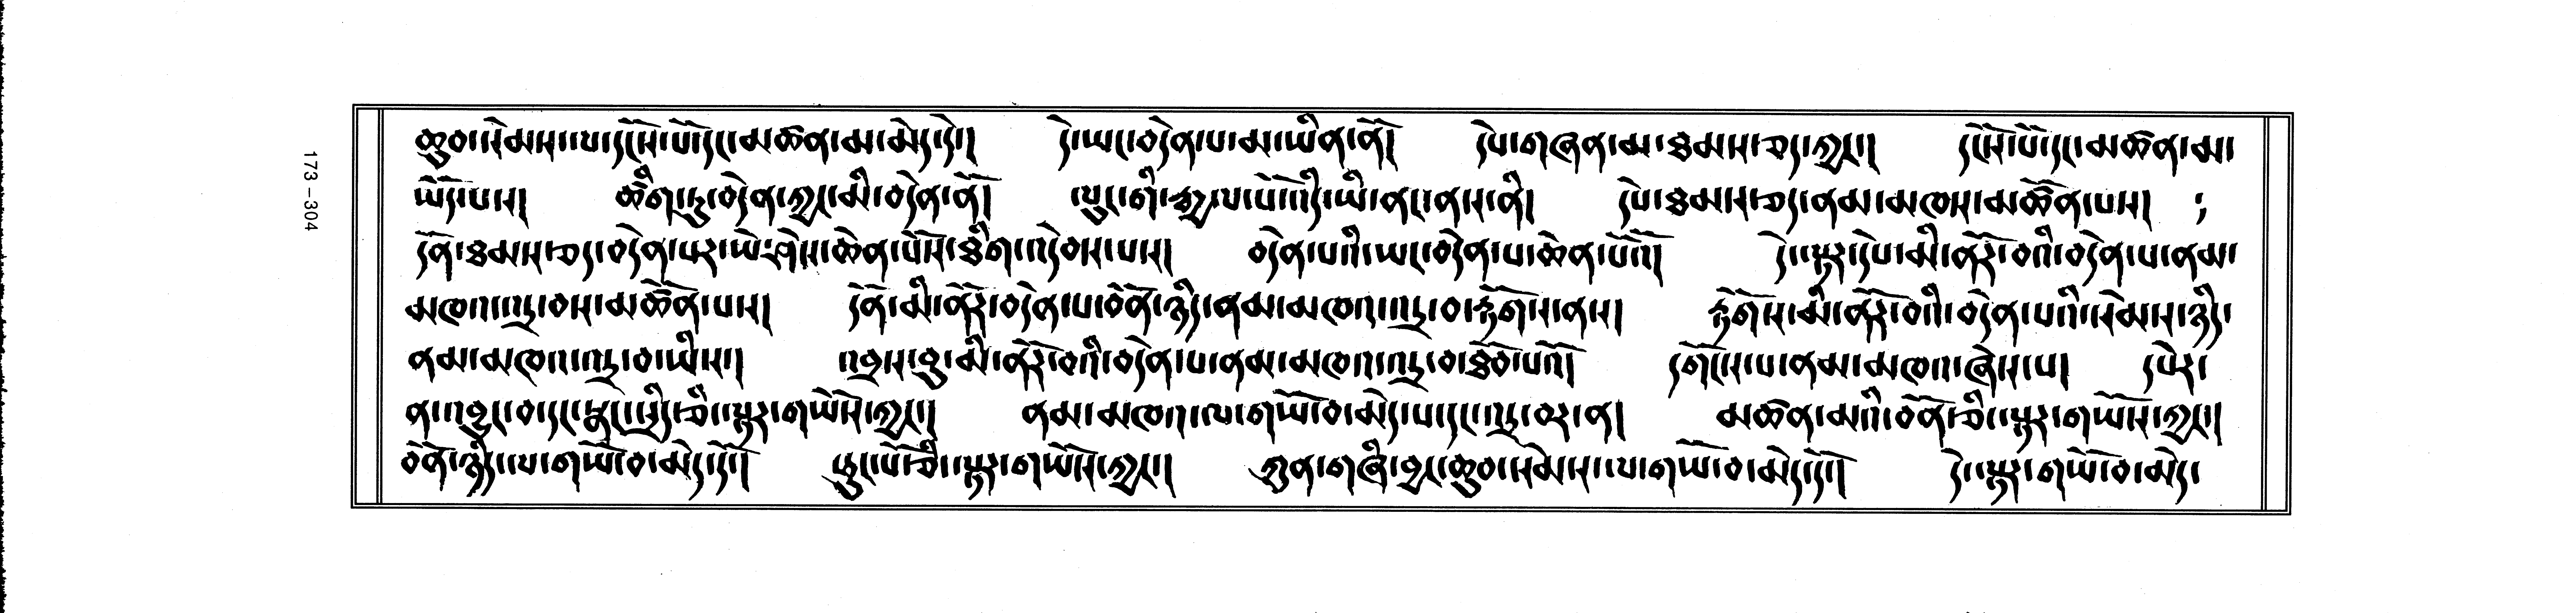ཆུབ་སེམས་ལ་དངོས་པོ་དང་མཚན་མ་མེད་དེ། དེ་ཡང་བདེན་པ་མ་ཡིན་ནོ། །དཔེ་གཞན་མ་ཐམས་ཅད་ཀྱང་། དངོས་པོ་དང་མཚན་མ་
ཡོད་པས། ཚིག་ཏུ་བདེན་ཀྱང་མི་བདེན་ནོ། །ལུང་གི་རྒྱལ་པོ་འདི་ཡི་ནང་ནས་ནི། དཔེ་ཐམས་ཅད་ནམ་མཁས་མཚོན་པས། 
དོན་ཐམས་ཅད་བདེན་པར་ཡེ་ཤེས་ཆེན་པོས་ཐིག་འདེབས་པས། བདེན་པའི་ཡང་བདེན་པ་ཆེན་པོའོ། །དེ་ལྟར་དཔེ་མི་ནོར་བའི་བདེན་པ་ནམ་
མཁའ་འདྲ་བས་མཚོན་པས། དོན་མི་ནོར་བདེན་པ་བོན་ཉིད་ནམ་མཁའ་འདྲ་བ་རྟོགས་ནས། རྟོགས་མི་ནོར་བའི་བདེན་པའི་སེམས་ཉིད་
ནམ་མཁའ་འདྲ་བ་ཡིས། འབྲས་བུ་མི་ནོར་བའི་བདེན་པ་ནམ་མཁའ་འདྲ་བ་ཐོབ་པའོ། །དགོངས་པ་ནམ་མཁའ་ཞེས་པ། དཔེར་
ན་འབྱུང་བ་དང་སྣང་སྲིད་ཅི་ལྟར་གཡོས་ཀྱང་། ནམ་མཁའ་ལ་གཡོ་བ་མེད་པ་འདྲ་བར་ན། མཚན་མའི་བོན་ཅི་ལྟར་གཡོས་ཀྱང་། 
བོན་ཉིད་ལ་གཡོ་བ་མེད་དོ། །ཕུང་པོ་ཅི་ལྟར་གཡོས་ཀྱང་། ཀུན་གཞི་བྱང་ཆུབ་སེམས་ལ་གཡོ་བ་མེད་དོ། དེ་ལྟར་གཡོ་བ་མེད་